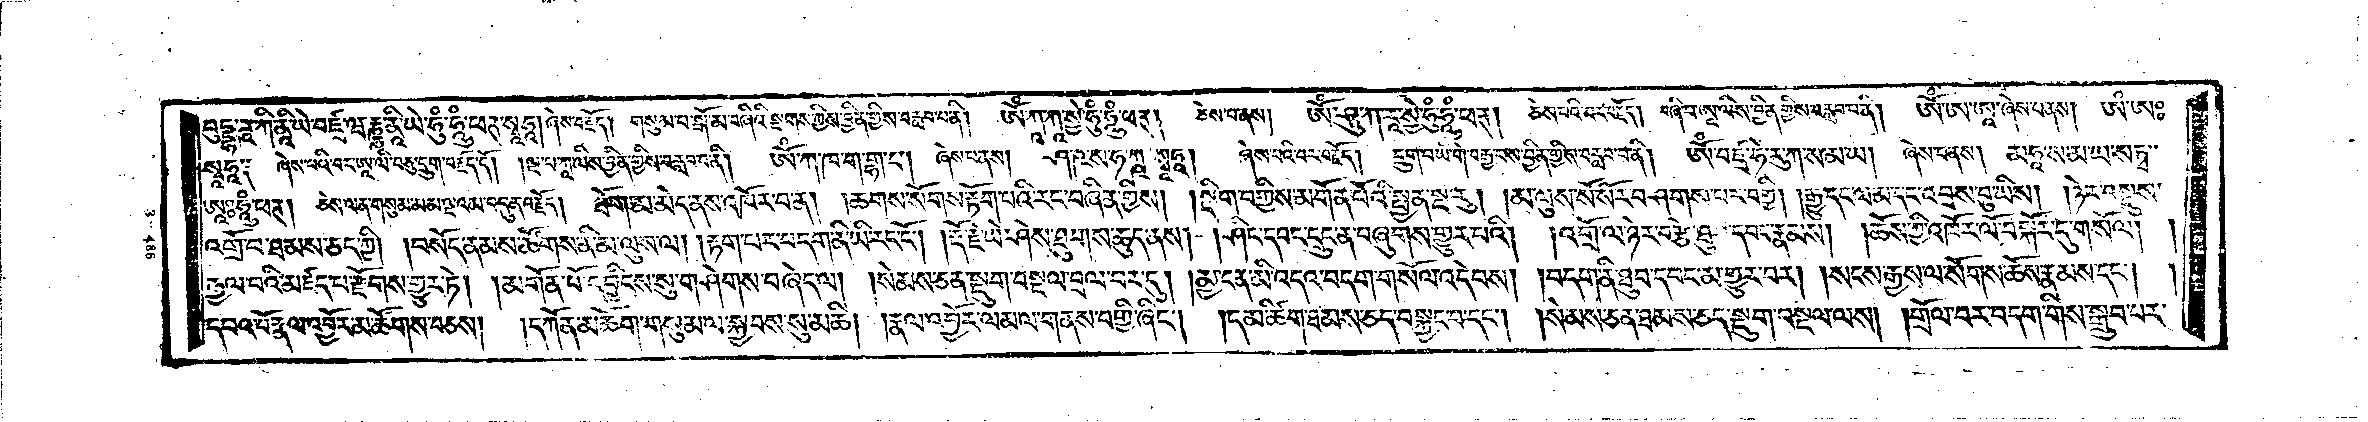བུདྡྷ་ཌཱ་ཀི་ནཱི་ཡེ་བཛྲ་ཝརྞྞ་ནཱི་ཡེ་ཧཱུཾ་ཧཱུཾ་ཕཊ་སྭཱ་ཧཱ། ཞེས་བརྗོད། གསུམ་པ་སྒོམ་བཞིའི་སྔགས་ཀྱིས་བྱིན་གྱིས་བརླབ་པ་ནི། ཨོཾ་ཀཱ་ཀཱ་སྱེ་ཧཱུཾ་ཧཱུཾ་ཕཊ། ཅེས་པ་ནས།  ཨོཾ་ཤཱུ་ཀ་རཱ་སྱེ་ཧཱུཾ་ཧཱུཾ་ཕཊ། ཅེས་པའི་བར་བརྗོད། བཞི་པ་ཨཱ་ལོས་བྱིན་གྱིས་བརླབ་པ་ནི། ཨོཾ་ཨ་ཨཱ་ཞེས་པ་ནས། ཨཾ་ཨཿ
སྭཱ་ཧཱ༑ ཞེས་པའི་བར་ཨཱ་ལོ་བཅུ་དྲུག་བརྗོད་དོ། །ལྔ་པ་ཀཱ་ལུས་བྱིན་གྱིས་བརླབ་པ་ནི།  ཨོཾ་ཀ་ཁ་ག་གྷ་པ། ཞེས་པ་ནས། ཤ་ཥ་ས་ཇ་ཀཥ་སྭཱ་ཧཱ། ཞེས་པའི་བར་བརྗོད། དྲུག་པ་ཡི་གེ་བརྒྱབས་བྱིན་གྱིས་བརླབ་པ་ནི། ཨཾ་བཛྲ་ཧེ་རུ་ཀ་ས་མ་ཡ། ཞེས་པ་ནས།  མྷཱ་ས་མ་ཡས་སཏྭ་
ཨཱཿ ཧཱུཾ་ཕཊ། ཅེས་ལན་གསུམ་མ་མ་ལྔའམ་བདུན་བརྗོད། ཐོག་མ་མེད་ནས་འཁོར་བ་ན། །ཆགས་སོགས་རྟོག་པའི་རང་བཞིན་གྱིས། །སྡིག་བགྱིས་མགོན་པོའི་སྤྱན་སྔ་རུ། །མ་ལུས་སོ་སོར་བཤགས་པར་བགྱི། །རྒྱུ་དང་ལམ་དང་འབྲས་བུ་ཡིས། །ཉེར་བསྡུས་
འགྲོ་བ་ཐམས་ཅད་ཀྱི། །བསོད་ནམས་ཚོགས་ནི་མ་ལུས་ལ། །རྟག་པར་བདག་ནི་ཡི་རང་ངོ། །རྡོ་རྗེ་ཡེ་ཤེས་ཐུགས་ཆུད་ནས། །ཤིང་དབང་དྲུང་ན་བཞུགས་གྱུར་པའི། །འགྲོ་ལ་ཉེར་བརྩེ་ཐུབ་དབང་རྣམས། །ཆོས་ཀྱི་འཁོར་ལོ་བསྐོར་དུ་གསོལ། །
རྒྱལ་བའི་མཛད་པ་རྫོགས་གྱུར་ཏེ། །མགོན་པོ་དབྱིངས་སུ་གཤེགས་བཞེད་ལ། །སེམས་ཅན་སྡུག་བསྔལ་བྲལ་བར་དུ། །མྱ་ངན་མི་འདའ་བདག་གསོལ་འདེབས། །བདག་ནི་ཐུབ་དབང་མ་གྱུར་བར། །སངས་རྒྱས་ལ་སོགས་ཆོས་རྣམས་དང་། །
དཔའ་བོ་རྣལ་འབྱོར་མཚོགས་བཅས། །དཀོན་མཆོག་གསུམ་ལ་སྐྱབས་སུ་མཆི། །རྣལ་འབྱོར་ལམ་ལ་གནས་བགྱི་ཞིང་། །དམ་ཚིག་ཐམས་ཅད་བསྐྱང་པ་དང་། །སེམས་ཅན་ཐམས་ཅད་སྡུག་བསྔལ་ལས། །གྲོལ་བར་བདག་གིས་སྒྲུབ་པར་